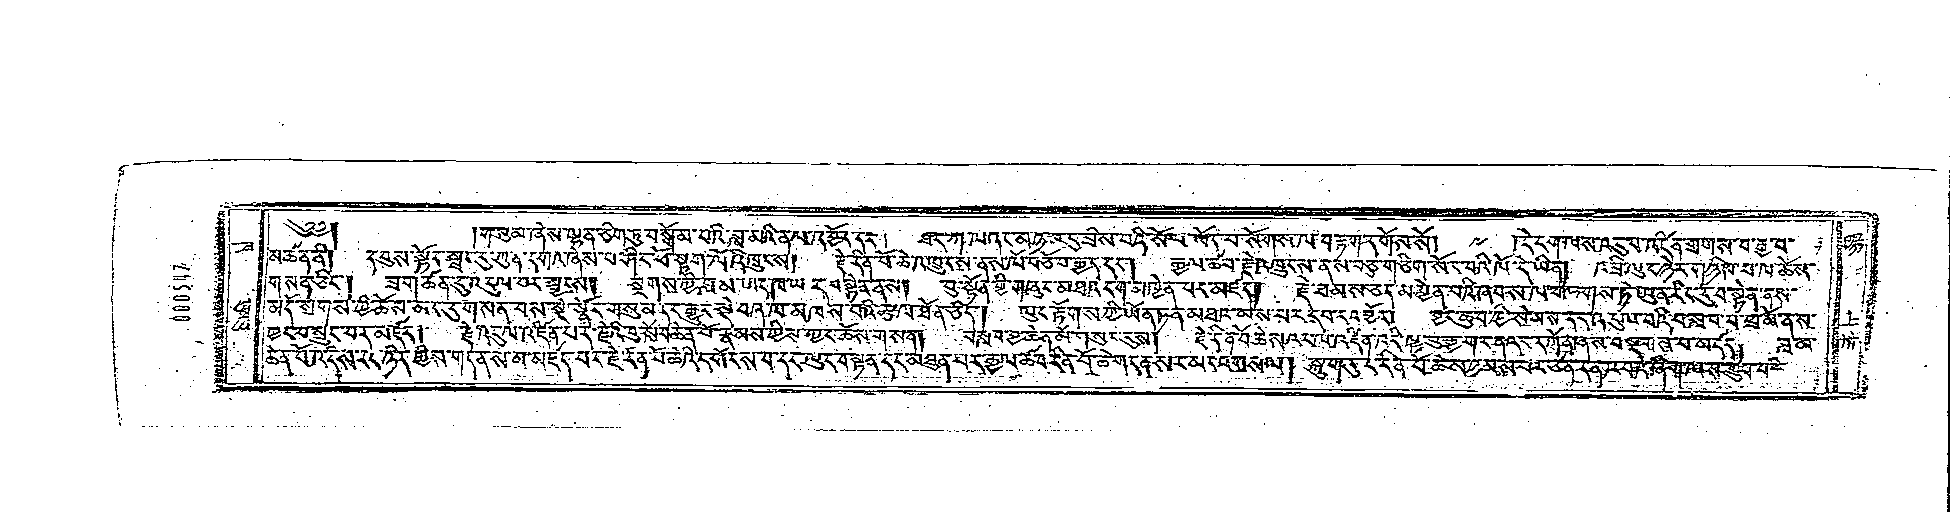༄༅། །གསུམ་ཞེས་ལྷན་ཅིག་ཏུ་བསྒོམ་བའི་བླ་མའི་ནལ་འབྱོར་དང་། ཐད་ཀ་ལའང་མཉམ་དུ་བྲིས་པའི་སོལ་ཡོད་པ་སོགས་ལ་བརྟག་དགོས་སོ། ༧་།དེ་དག་ལས་འདུ་བ་འཛིན་གྲགས་བ་རྒྱ་བ་
མཚན་ནི། དབུས་སྟོད་སྨང་དུ་ཀུན་དགའ་ཞེས་པ་ཤིང་ཕོ་སྟག་ལོའི་ཁྲུངས། རྗེ་རིན་པོ་ཆེ་འཁྲུངས་ནས་ལོ་བཅོ་བརྒྱད་དང་། རྒྱལ་ཚབ་རྗེ་འཁྲུངས་ནས་བཅུ་གཅིག་སོང་བའི་ལོ་དེ་ཡིན། འབྲི་ལུང་ཉེར་གཉིས་པ་ལ་ཆོས་
གསན་ཅིང་། བྲག་ཚན་དུ་འདུལ་བར་སྦྱངས། སྔགས་ཀྱི་བླ་མ་ཡང་ཁ་ཡར་བསྟེན་ནས། བུ་སྟོན་གྱི་གཞུང་མཐའ་དག་མཁྱེན་པར་མཛད། རྗེ་ཐམས་ཅད་མཁྱེན་པའི་ཞབས་ལ་གཏུགས་ཏེ་ཡུན་རིང་དུ་བསྟེན་ནས་
མདོ་སྦྲགས་ཀྱི་ཆོས་མང་དུ་གསན་བས་སྡེ་སྣོད་གསུམ་དང་རྒྱུང་སྡེ་བཞི་ལ་མཁས་བའི་རྩལ་ཐོན་ཅིང་། ལུང་རྟོགས་ཀྱི་ཡོན་ཏན་མཐའ་མས་པར་དབང་འབྱོར། བྱང་ཆུབ་ཀྱི་སེམས་དང་འདུལ་བའི་བསླབ་པ་ཕྲ་མོ་ནས་
ཀྱང་བསྲུང་བར་མཛད། རྗེ་འདུལ་འཛིན་པར་རྗེའི་བུ་སློབ་ཆེན་པོ་རྣམས་ཀྱིས་ཀྱང་ཆོས་གསན། བསླབ་བྱ་ཆེན་མོ་གསུང་དུས། རྗེ་རིན་པོ་ཆེས་འྤལ?་འཛིན་འདི་ལྟ་བུ་རྒྱ་གར་ནའང་དཀོན་ཞེས་བསྔགས་པ་མཛད། བླ་མ་
ཆེན་བོ་འདིས་རང་ཉིད་ཀྱིས་གདན་ས་མ་མཛད་པར་རྗེ་རིན་པོ་ཆེའི་དགོངས་པ་དང་ལུང་བསྟན་དང་མཐུན་པར་རྒྱལ་ཚབ་རིན་པོ་ཆེ་གདན་སར་མངའ་གསོལ། སྐུག་དུད་རིན་པོ་ཆེས་ཉམས་པར་ཙན་དན་འབའ་ཞིག་ལས་གྲུབ་བའི་